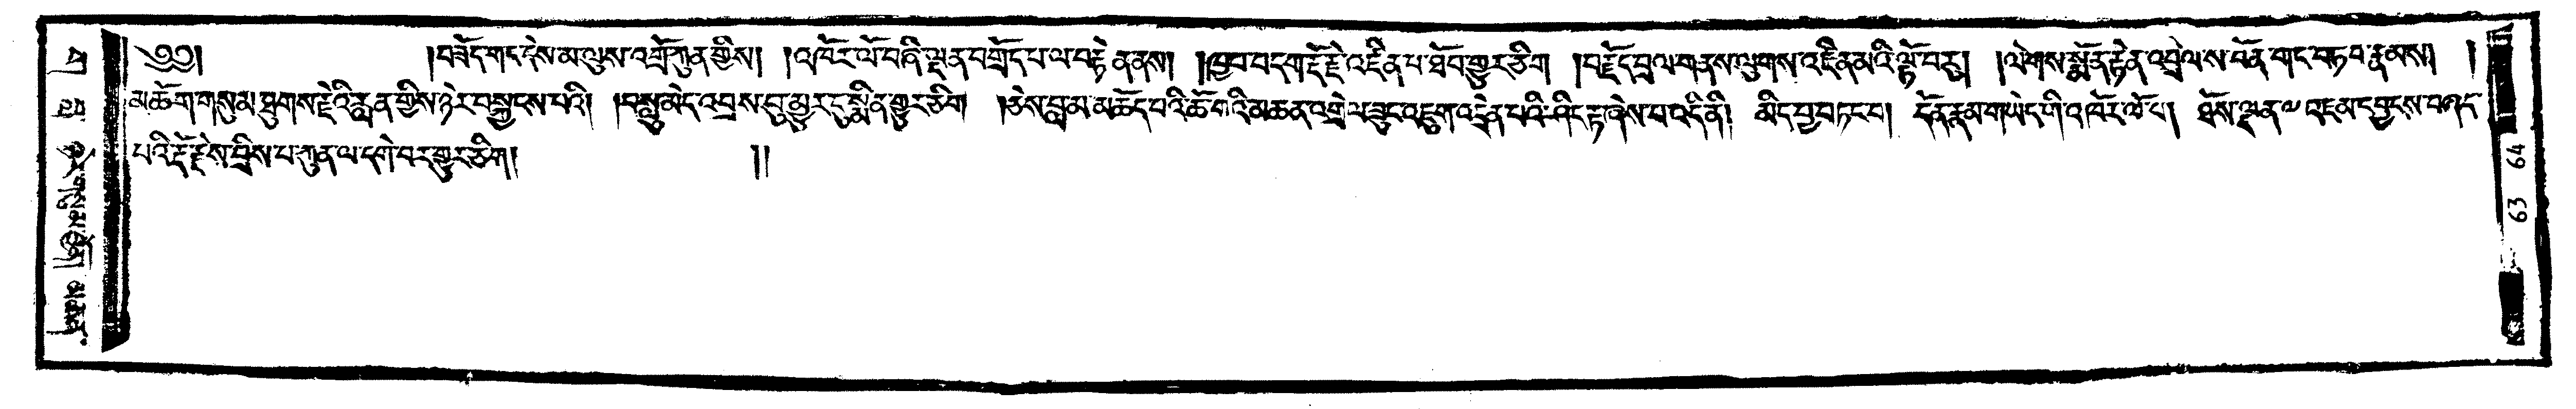༄༅། །བཟོད་གང་དེས་མ་ལུས་འགྲོ་ཀུན་གྱིས། །འཁོར་ལོ་བཞི་ལྡན་བགྲོད་པ་ལ་བརྟེན་ནས། །ཁྱབ་བདག་རྡོ་རྗེ་འཛིན་པ་ཐོབ་གྱུར་ཅིག །བརྗོད་བྲལ་གནས་ལུགས་འཛིན་མའི་ལྟོ་བ་རུ། །ལེགས་སྨོན་རྟེན་འབྲེལ་ས་བོན་གང་བཏབ་རྣམས། །
མཆོག་གསུམ་ཐུགས་རྗེའི་རླན་གྱིས་ཉེར་བསྐྱངས་པའི། །བསླུ་མེད་འབྲས་བུ་མྱུར་དུ་སྨིན་གྱུར་ཅིག །ཅེས་བླ་མ་མཆོད་པའི་ཆོ་གའི་མཆན་འགྲེལ་ཟུང་འཇུག་འདྲེན་པའི་ཤིང་རྟ་ཞེས་པ་འདི་ནི། མིང་བྱ་བཏང་བ། དོན་རྣམ་གཡེང་གི་འཁོར་ལོ་པ། ཐོས་ལྡན་༧་འཇམ་དབྱངས་བཞད་
པའི་རྡོ་རྗེས་བྲིས་པ་ཀུན་ལ་དགེ་བར་གྱུར་ཅིག། །།